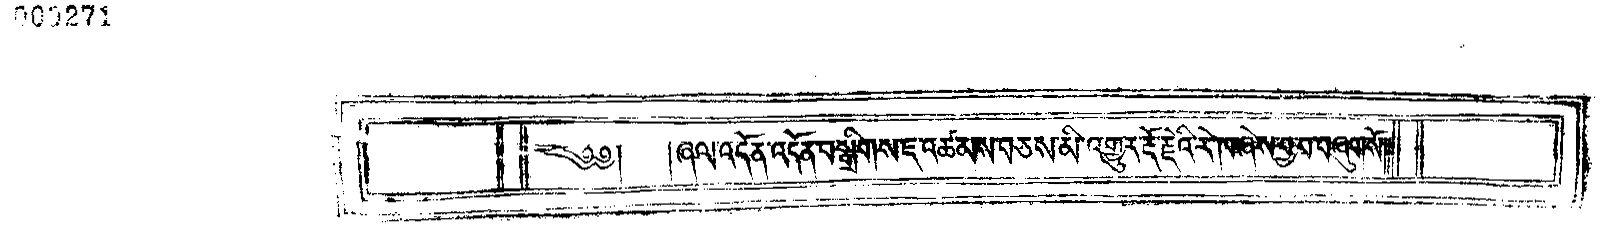༄༅། །ཞལ་འདོན་འདོན་བསྒྲིགས་ཇ་འཚམས་བཅས་མི་འགྱུར་རྡོ་རྗེའི་རེ་ཁ་ཞེས་བྱ་བ་བཞུགས་སོ། །